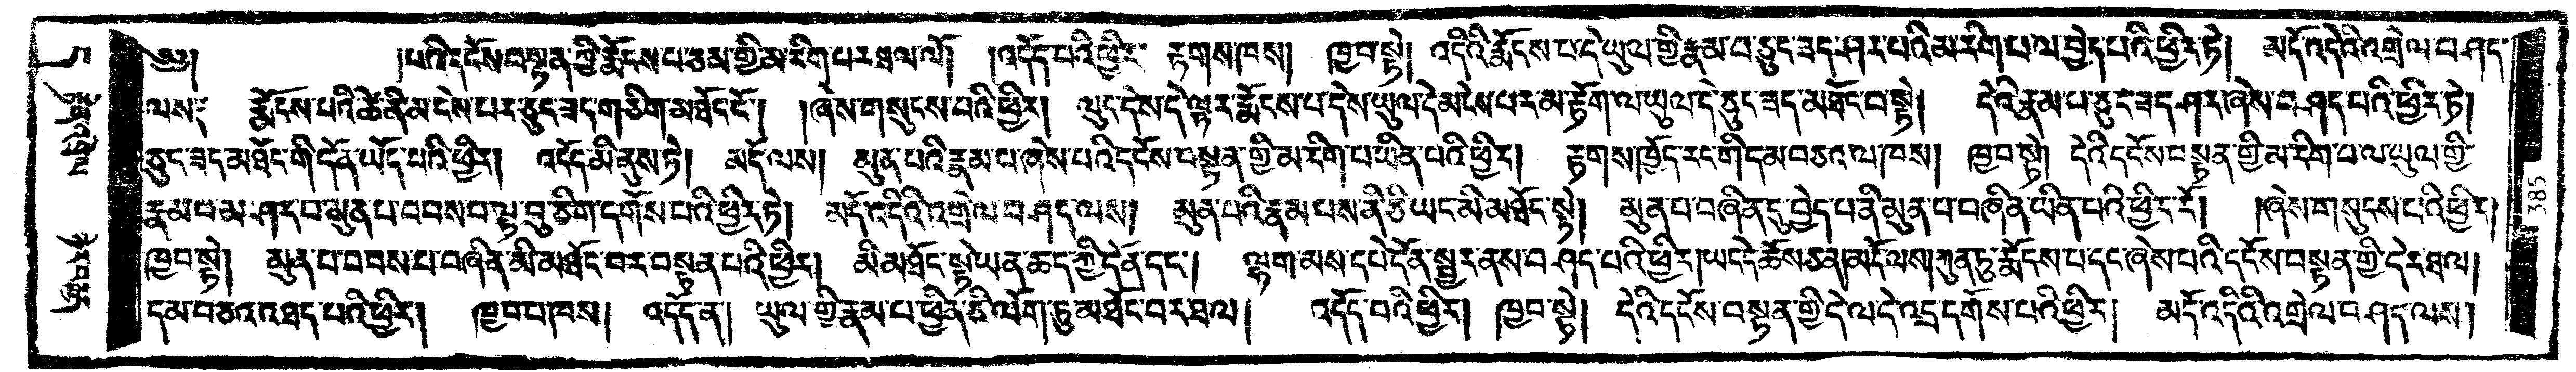༄༅། །པའི་དངོས་བསྟན་ཀྱི་རྨོངས་པ་ཙམ་གྱི་མ་རིག་པར་ཐལ་ལོ། །འདོད་པའི་ཕྱིར་རྟགས་ཁས། ཁྱབ་སྟེ། འདིའི་རྨོངས་པ་དེ་ཡུལ་གྱི་རྣམ་པ་ཅུང་ཟད་ཤར་པའི་མ་རིག་པ་ལ་བྱེད་པའི་ཕྱིར་ཏེ། མདོ་འདིའི་འགྲེལ་བཤད་
ལས༑ རྨོངས་པའི་ཚེ་ནི་མ་ངེས་པར་ཅུང་ཟད་གཅིག་མཐོང་ངོ། །ཞེས་གསུངས་པའི་ཕྱིར། ལུང་དེས་དེ་ལྟར་རྨོངས་པ་དེས་ཡུལ་དེ་མ་ངེས་པར་མ་རྟོག་ལ་ཡུལ་དེ་ཅུང་ཟད་མཐོང་བ་སྟེ། དེའི་རྣམ་པ་ཅུང་ཟད་ཤར་ཞེས་བཤད་པའི་ཕྱིར་ཏེ།
ཅུང་ཟད་མཐོང་གི་དོན་ཡོད་པའི་ཕྱིར། འདོད་མི་ནུས་ཏེ། མདོ་ལས། མུན་པའི་རྣམ་པ་ཞེས་པའི་དངོས་བསྟན་གྱི་མ་རིག་པ་ཡིན་པའི་ཕྱིར། རྟགས་ཁྱོད་རང་གི་དམ་བཅའ་ལ་ཁས། ཁྱབ་སྟེ། དེའི་དངོས་བསྟན་གྱི་མ་རིག་པ་ལ་ཡུལ་གྱི་
རྣམ་པ་མ་ཤད་པ་མུན་པ་བབས་པ་ལྟ་བུ་ཅིག་དགོས་པའི་ཕྱིར་ཏེ། མདོ་འདིའི་འགྲེལ་བཤད་ལས། མུན་པའི་རྣམ་པས་ནི་ཅི་ཡང་མི་མཐོང་སྟེ། མུན་པ་བཞིན་དུ་བྱེད་པ་ནི་མུན་པ་བཞིན་ཡིན་པའི་ཕྱིར་རོ། །ཞེས་གསུངས་པའི་ཕྱིར།
ཁྱབ་སྟེ། མུན་པ་བབས་པ་བཞིན་མི་མཐོང་བར་བསྟན་པའི་ཕྱིར། མི་མཐོང་སྟེ་ཡན་ཆད་ཀྱི་དོན་དང་། ལྷག་མས་དཔེ་དོན་སྦྱར་ནས་བཤད་པའི་ཕྱིར། ཡང་དེ་ཆོས་ཅན། མདོ་ལས། ཀུན་ཏུ་རྨོངས་པ་དང་ཞེས་པའི་དངོས་བསྟན་གྱི་དེར་ཐལ།
དམ་བཅའ་འཐད་པའི་ཕྱིར། ཁྱབ་པ་ཁས། འདོད་ན། ཡུལ་གྱི་རྣམ་པ་ཕྱིན་ཅི་ལོག་ཏུ་མཐོང་བར་ཐལ། འདོད་པའི་ཕྱིར། ཁྱབ་སྟེ། དེའི་དངོས་བསྟན་གྱི་དེ་ལ་དེ་འདྲ་དགོས་པའི་ཕྱིར། མདོ་འདིའི་འགྲེལ་བཤད་ལས།